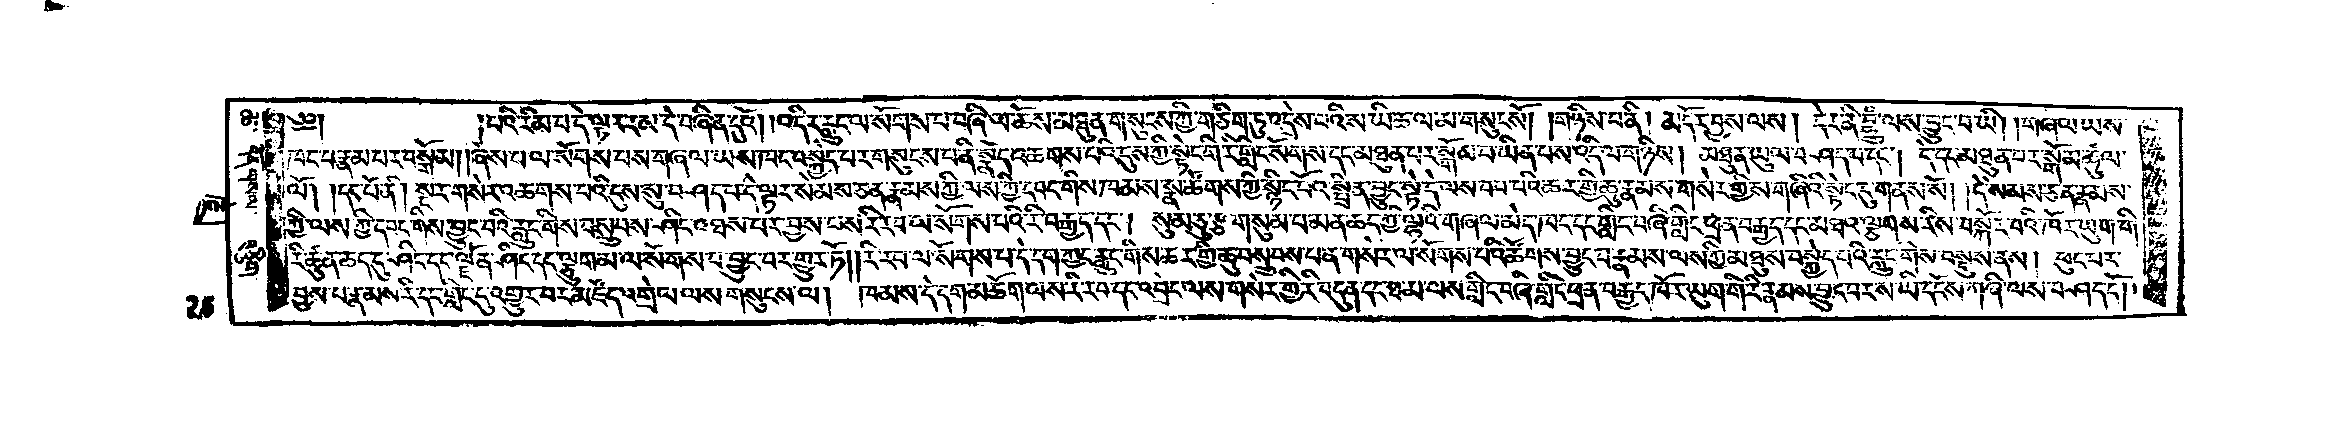༄༅། །པའི་རིམ་པ་དེ་ལྟར་རིམ་དེ་བཞིན་དུའོ། །འདིར་རླུང་ལ་སོགས་པ་བཞི་ལ་ཆོས་མཐུན་གསུངས་ཀྱི་གཅིག་ཏུ་འདྲེས་པའི་ས་ཡི་ཆ་ལ་མ་གསུངས་སོ། །གཉིས་པ་ནི། མདོར་བྱས་ལས། དེར་ནི་བྷྲུཾ་ལས་བྱུང་བ་ཡི། །གཞལ་ཡས་
ཁང་པ་རྣམ་པར་བསྒོམ། །ཞེས་པ་ལ་སོགས་པས་གཞལ་ཡས་ཁང་བསྐྱེད་པར་གསུངས་པ་ནི་སྣོད་འཆགས་པའི་དུས་ཀྱི་སྟེང་གི་རི་གླིང་སོགས་དང་མཐུན་པར་སྒོམ་པ་ཡིན་པས་འདི་ལ་གཉིས། མཐུན་ཡུལ་བཤད་པ་དང་། དེ་དང་མཐུན་པར་སྒོམ་ཚུལ་
ལོ། །དང་པོ་ནི། སྔར་གསེར་འཆགས་པའི་དུས་སུ་བཤད་པ་དེ་ལྟར་སེམས་ཅན་རྣམས་ཀྱི་ལས་ཀྱི་དབང་གིས་ཁམས་སྣ་ཚོགས་ཀྱི་སྙིང་པོའི་སྤྲིན་བྱུང་སྟེ་དེ་ལས་བབ་པའི་ཆར་གྱི་ཆུ་རྣམས་གསེར་གྱི་ས་གཞིའི་སྟེང་དུ་གནས་སོ། །དེ་སེམས་ཅན་རྣམས་
ཀྱི་ལས་ཀྱི་དབང་གིས་བྱུང་བའི་རླུང་གིས་བསྒྲུབས་ཤིང་འཐས་པར་བྱས་པས་རི་རབ་ལ་སོགས་པའི་རི་བརྒྱད་དང་། སུམ་ཅུ་རྩ་གསུམ་པ་མན་ཆད་ཀྱི་ལྷའི་གཞལ་མེད་ཁང་དང་གླིང་བཞི་གླིང་ཕྲན་བརྒྱད་དང་མཐའ་ལྕགས་རིས་བསྐོར་བའི་ཁོར་ཡུག་གི་
རི་ཚུན་ཆད་དུ་ཤིང་དང་ལྗོན་ཤིང་དང་ལྕུག་མ་ལ་སོགས་པ་བྱུང་བར་གྱུར་ཏོ། །རི་རབ་ལ་སོགས་པ་དེ་དག་ཀྱང་རླུང་གིས་ཆར་གྱི་ཆུ་བསྲུབས་པ་ན་གསེར་ལ་སོགས་པའི་ཚོགས་བྱུང་བ་རྣམས་ལས་ཀྱི་མཐུས་བསྐྱེད་པའི་རླུང་གིས་བསྡུས་ནས། ཕུང་པར་
བྱས་པ་རྣམས་རི་དང་གླིང་དུ་འགྱུར་བར་མཛོད་འགྲེལ་ལས་གསུངས་ལ། ཁམས་དེ་དག་མཆོག་ལས་རི་རབ་དང་འབྲིང་ལས་གསེར་གྱི་རི་བདུན་དང་ཐ་མ་ལས་གླིང་བཞི་གླིང་ཕྲན་བརྒྱད་ཁོར་ཡུག་གི་རི་རྣམས་བྱུང་བར་ས་ཡི་དངོས་གཞི་ལས་བཤད་དོ། །